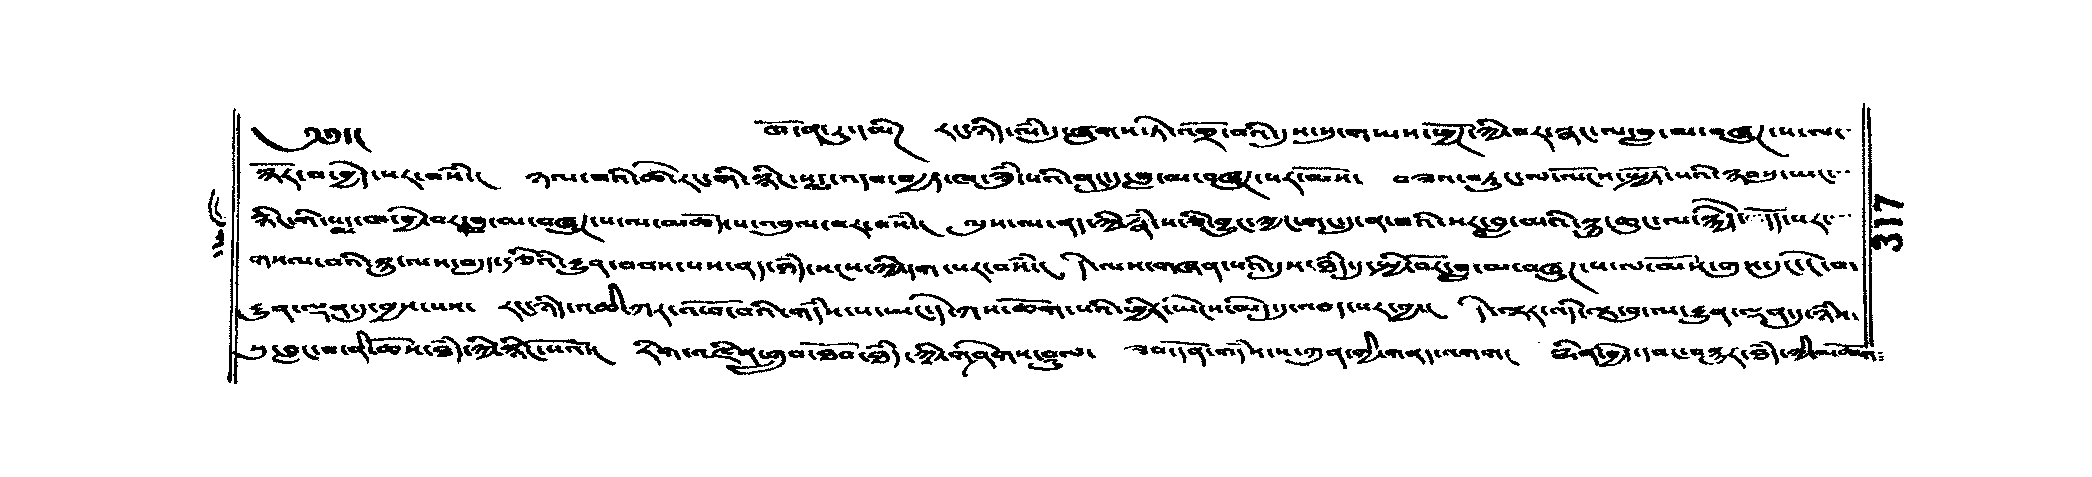ཁོ་ན་རུ་དམིགས། རང་ཉིད་ལམ་དུ་ཞུགས་ཏེ་འགྲོ་བའི་དུས་སུ་གཡས་ཕྱོགས་ཀྱི་བར་སྣང་ལ་བླ་མ་བཞུགས་པ་ལ་
སྐོར་བ་བྱེད་པར་བསམ། ཉལ་བའི་ཚེ་རང་གི་སྙིང་པདྨ་འདབ་བརྒྱད་ཁ་ཟུམ་པའི་ནང་དུ་བླ་མ་བཞུགས་པར་མོས། བཟའ་བཏུང་ལ་ལོངས་སྤྱོད་པའི་སྐབས་སུ་ཡང་
སྙིང་གི་པདྨ་ཁ་བྱེ་བར་བླ་མ་བཞུགས་པ་ལ་མཆོད་པ་འབུལ་བར་བསམ། ལུས་ལ་ནད་ཀྱི་རྣམ་པ་ཅི་བྱུང་ཀྱང་གང་དུ་ན་བའི་སར་བླ་མའི་སྐུ་ཆུང་ལ་སྐྱེ་མཆེད་འདོད་པར་
གསལ་བའི་སྐུ་ལས་བདུད་རྩིའི་རྒྱུན་བབས་པས་ནད་གདོན་སངས་ཀྱི་དག་པར་བསམ། དེ་ལས་གཞན་པའི་དུས་ཐམས་ཅད་དུ་སྤྱི་བོར་བླ་མ་བཞུགས་པ་ལ་མོས་གུས་དུང་ངེ་བ་
རྒྱུན་ལྡན་དུ་བྱས་པས། རང་ཉིད་འཆི་ཀར་འཕོ་བའི་གདམས་པ་ཡང་དེ་ཀས་ཆོག་པའི་ཕྱིར་ཡེངས་མེད་དུ་འབད་པར་བྱ། དེ་ལྟར་འདི་ལྟ་བུ་ལ་རྒྱུན་ལྡན་ཉམས་
སུ་བླང་བ་ནི་ཆོས་ཐམས་ཅད་ཀྱི་སྙིང་པོ། རིག་འཛིན་གྲུབ་ཐོབ་ཐམས་ཅད་ཀྱི་གཤེགས་ཤུལ། ཟབ་དོན་གདམས་པ་ཀུན་གྱི་གནད་འགག སྨིན་བྱེད་དབང་བསྐུར་ཐམས་ཅད་ཀྱི་མཆོག་